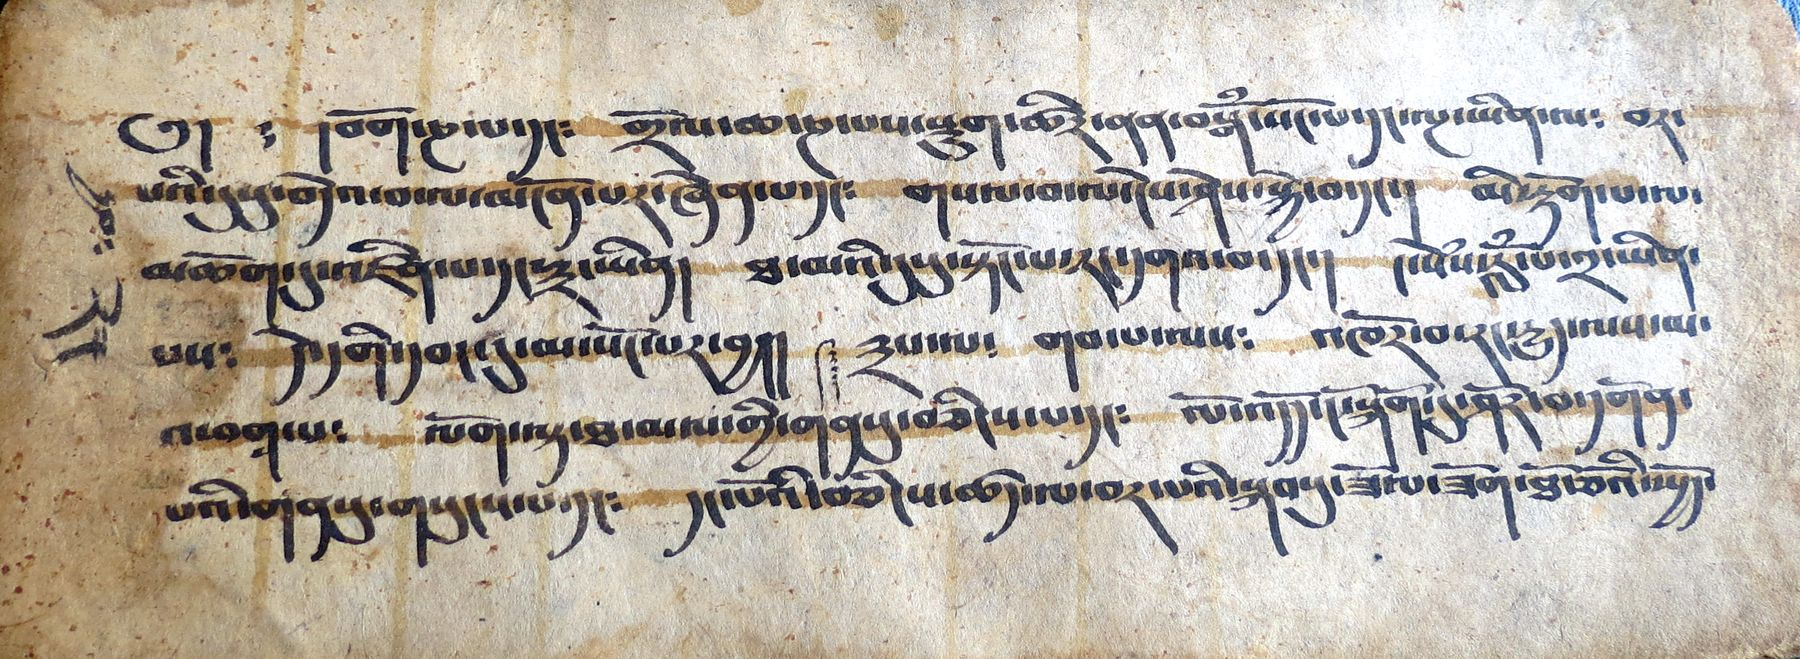བོགས་མེད་པ་དང་། གྲོལ་ཆ་མེད་པ་སྡུག་བཙིར་ནན་སྒོམ་དུ་སོང་བ་དང་ལྔ་ཡིན་ལ། བར་
པའི་དུས་སུ་བདེ་བ་ལ་མངོན་པར་ཞེན་པ་དང་། གསལ་བ་ལ་ངེས་ཤེས་སྐྱེས་པ་དང་། མི་རྟོག་པ་ལ་
མཆོག་ཏུ་འཛིན་པ་དང་གསུམ་ཡིན། ཐ་མའི་དུས་སུ་སྟོང་པ་རང་དགའ་དང་། ང་སེམས་རླན་༼རློམ༽པ་གཉིས་ཡིན་
པས། དེ་དག་གི་དབང་དུ་མ་སོང་བར་བྱ། ། གསུམ་པ་ལ། གབ་པ་ལས། འཁོར་བ་རང་རྒྱུད་ལས་མ་
འཕགས་པ། ལོག་ལྟའི་ཐ་མལ་གྱི་གནས་སུ་བཅིངས་པ་དང་། ལོ་འདོད་མངོན་ལྐོག་ཏུ་ཤོར་བ་དགོན་
པའི་གནས་སུ་བཅིངས་པ་དང་། གཉིས་སུ་གསུངས་པ་ནི་དང་པོ་བཅིངས་ཚད་ལ། བར་པའི་སྐབས་སུ། ཟོལ་ཟོག་ཐོ་ཆོའི་སྤྱོད་